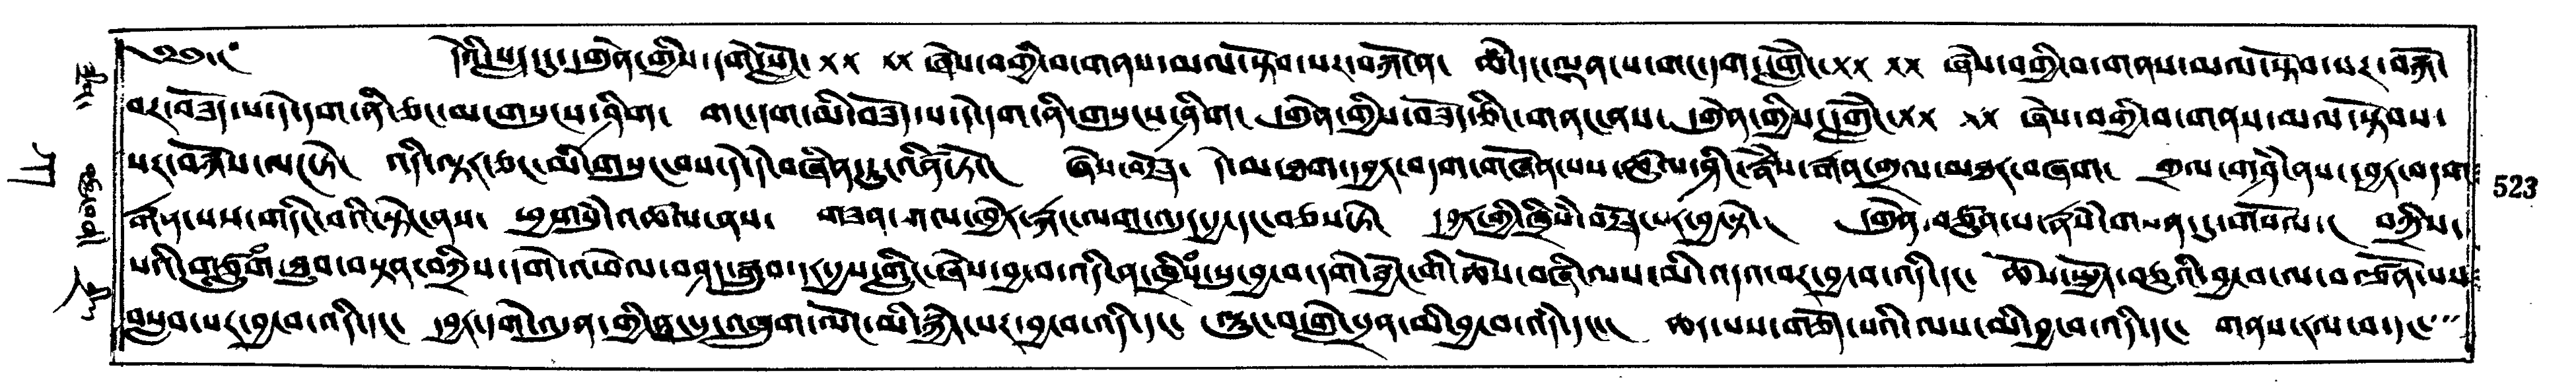དེའི་སླད་དུ་དགེ་འདུན་གྱིས་དགེ་སློང༴ ཞེས་བགྱི་བ་གནས་མལ་སྟོབ་པར་བསྐོ་ན། ཚེ་དང་ལྡན་པ་གང་དག་དགེ་སློང༴ ཞེས་བགྱི་བ་གནས་མལ་སྟོབ་པར་བསྐོ་
བར་བཟོད་པ་དེ་དག་ནི་ཅང་མ་གསུངས་ཤིག གང་དག་མི་བཟོད་པ་དེ་དག་ནི་གསུངས་ཤིག དགེ་འདུན་གྱིས་བཟོད་ཅིང་གནང་ན་དགེ་འདུན་གྱིས་དགེ་སློང༴ ཞེས་བགྱི་བ་གནས་མལ་སྟོབ་
པར་བསྐོས་ལགས་ཏེ། འདི་ལྟར་ཅང་མི་གསུངས་བས་དེ་དེ་བཞིན་ཏུ་འཛིན་ཏོ།། ཞེས་བརྗོད། དེ་མ་ཐག་དབྱར་བདག་གཞོན་པས་ཚུལ་ཤིང་རྣམས་རྒན་གྲལ་མཐར་བཞག གྲལ་གཤམ་ནས་དབྱར་བདག་
རྒན་པས་གདིང་བའི་སྟེང་ནས། ཕྱག་གསུམ་འཚལ་ནས། གཟན་གལ་ཁྱེར་རྐང་ལག་འདུད་རྒྱ་དང་བཅས་ཏེ། དབྱར་གྱི་ཁྲིམས་བརྗོད་པར་བྱ་སྟེ། དགེ་འདུན་བཙུན་པ་རྣམས་གསན་དུ་གསོལ། བཀྲ་ཤིས་
པའི་གཙུག་ལག་ཁང་༼ཐུབ་བསྟན་བཀྲ་ཤིས་དགེ་འཕེལ་བཤད་སྒྲུབ་དར་རྒྱས་གླིང་༽ཞེས་བྱ་བ་འདི་ན་ཁྲིམས་སུ་བྱ་བ་དགེ་སྦྱོང་གི་ཆོས་བཞི་ལས་མི་འདའ་བར་བྱ་བ་འདི་དང་། ཆོས་སྤྱོད་བཅུའི་བྱ་བ་ལ་བརྩོན་པས་
བསླབ་པར་བྱ་བ་འདི་དང་། དབྱར་དགེ་འདུན་གྱི་ནང་དུ་འཁྲུགས་ལོང་མི་སྐྱེད་པར་བྱ་བ་འདི་དང་། ལྟུང་བ་གླེང་དྲན་མི་བྱ་བ་འདི་དང་།ཆད་པས་གཅོད་པའི་ལས་མི་བྱ་བ་འདི་དང་། གནས་རལ་བ་དང་